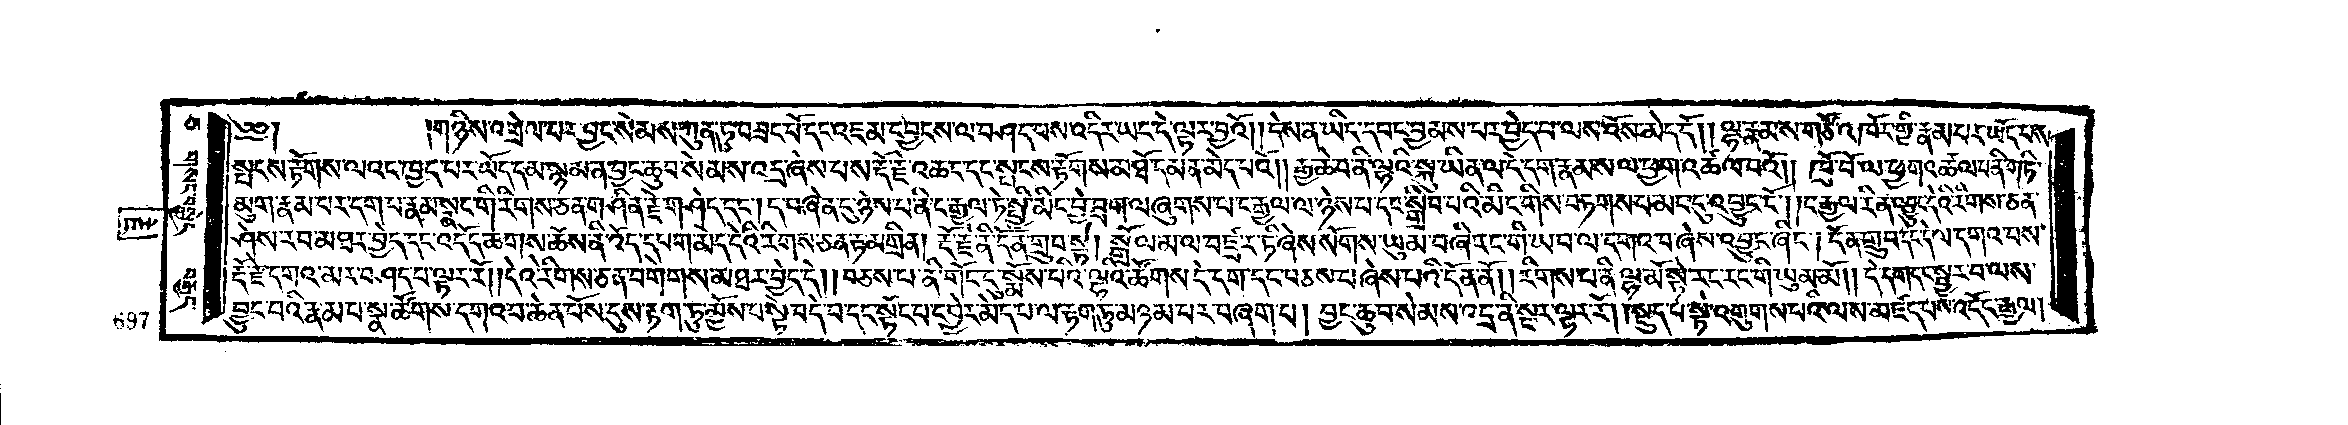༄༅། །གཉིས་འགྲེལ་པར་བྱང་སེམས་ཀུན་ཏུ་བཟང་པོ་དང་འཇམ་དབྱངས་ལ་བཤད་པས་འདིར་ཡང་དེ་ལྟར་བྱའོ། །དེས་ན་ཡང་དབང་བྱམས་པར་བྱེད་པ་ལས་འོས་མེད་དོ། །ལྷ་རྣམས་གཙོ་འཁོར་གྱི་རྣམ་པར་ཡོད་པས་
སྤངས་རྟོགས་ལའང་ཁྱད་པར་ཡོད་དམ་སྙམ་ན་བྱང་ཆུབ་སེམས་འདྲ་ཞེས་པས་རྡོ་རྗེ་འཆང་དང་སྤངས་རྟོགས་མཐོ་དམན་མེད་པའོ། །རྒྱ་ཆེ་བ་ནི་ལྷའི་སྐུ་ཡིན་ལ་དེ་དག་རྣམས་ལ་ཕྱག་འཚལ་བའོ། །ཁྲོ་བོ་ལ་ཕྱག་འཚལ་བ་ནི་གཏི་
མུག་རྣམ་པར་དག་པ་རྣམ་སྣང་གི་རིགས་ཅན་གཤིན་རྗེ་གཤེད་དང་། དེ་བཞིན་དུ་ཉེས་པ་ནི་ང་རྒྱལ་ཏེ་སྤྱི་མིང་བྱེ་བྲག་ལ་ཞུགས་པ་ང་རྒྱལ་ལ་ཉེས་པ་དང་སྒྲིབ་པའི་མིང་གིས་བཏགས་པ་མང་དུ་འབྱུང་ངོ། །ང་རྒྱལ་རིན་འབྱུང་དེའི་རིགས་ཅན་
ཤེས་རབ་མཐར་བྱེད་དང་འདོད་ཆགས་ཆོས་ནི་འོད་དཔག་མེད་དེའི་རིགས་ཅན་རྟ་མགྲིན། རྡོ་རྗེ་ནི་དོན་གྲུབ་སྟེ། སྒྲོན་མ་ལ་བཛྲ་ར་ཏི་ཞེས་སོགས་ཡུམ་བཞི་རང་གི་ཡབ་ལ་དགའ་བ་ཞེས་འབྱུང་ཞིང་། དོན་གྲུབ་དང་དེ་ལ་དགའ་བས་
རྡོ་རྗེ་དགའ་མར་བཤད་པ་ལྟར་རོ། །དེའི་རིགས་ཅན་བགེགས་མཐར་བྱེད་དེ། །བཅས་པ་ནི་གོང་དུ་སྨོས་པའི་ལྷའི་ཚོགས་དེ་དག་དང་བཅས་པ་ཞེས་པའི་དོན་ནོ། །རིགས་པ་ནི་ལྷ་མོ་སྟེ་རང་རང་གི་ཡུམ་མོ། །དེ་དག་དང་སྦྱར་བ་ལས་
བྱུང་བའི་རྣམ་པ་སྣ་ཚོགས་དགའ་བ་ཆེན་པོས་དུས་རྟག་ཏུ་མྱོས་པ་སྟེ་བདེ་བ་དང་སྟོང་པ་དབྱེར་མེད་པ་ལ་རྟག་ཏུ་མཉམ་པར་བཞག་པ། བྱང་ཆུབ་སེམས་འདྲ་ནི་སྔར་ལྟར་རོ། །སྡུད་པ་སྟེ་འགུགས་པའི་ལས་མཛད་པས་འདོད་རྒྱལ།